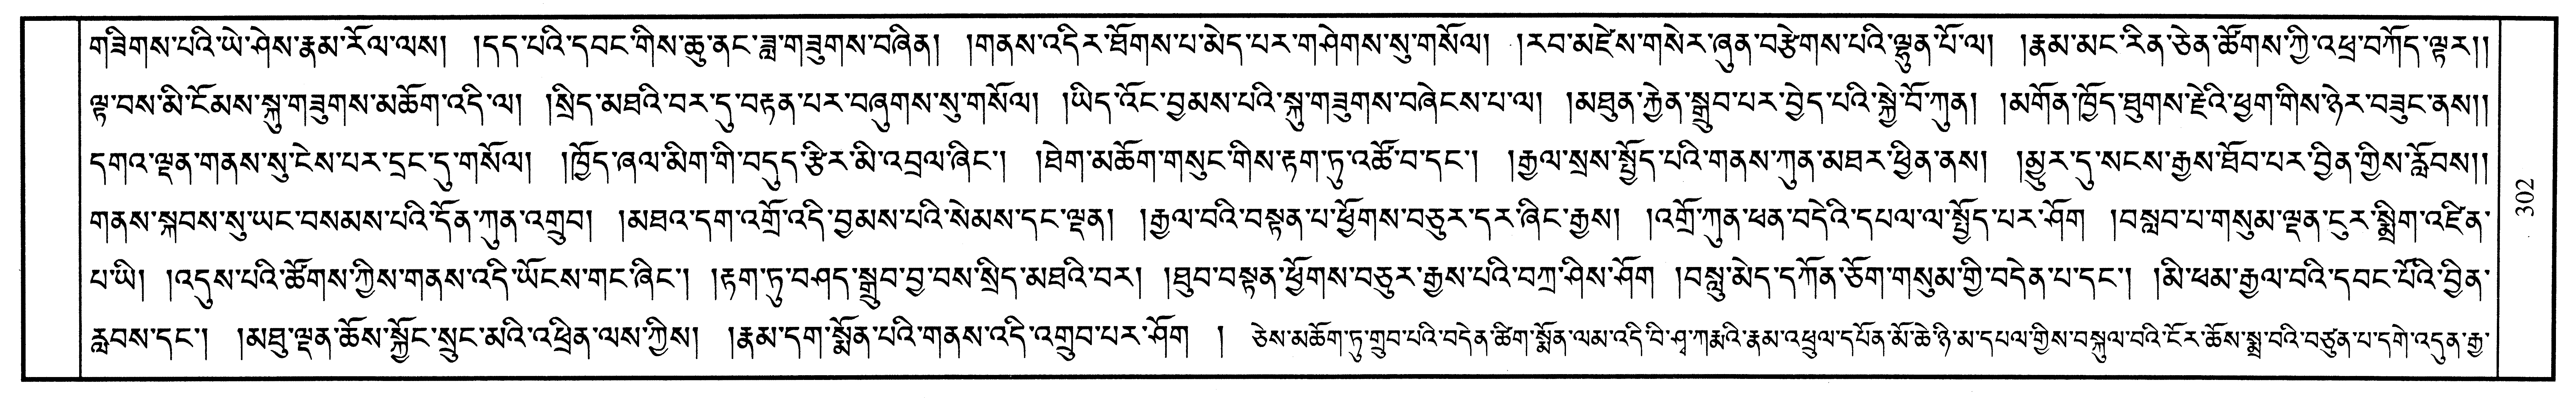གཟིགས་པའི་ཡེ་ཤེས་རྣམ་རོལ་ལས། །དད་པའི་དབང་གིས་ཆུ་ནང་ཟླ་གཟུགས་བཞིན། །གནས་འདིར་ཐོགས་པ་མེད་པར་གཤེགས་སུ་གསོལ། །རབ་མཛེས་གསེར་ཞུན་བརྩེགས་པའི་ལྷུན་པོ་ལ། །རྣམ་མང་རིན་ཅེན་ཚོགས་ཀྱི་འཕྲ་བཀོད་ལྟར། །
ལྟ་བས་མི་ངོམས་སྐུ་གཟུགས་མཆོག་འདི་ལ། །སྲིད་མཐའི་བར་དུ་བརྟན་པར་བཞུགས་སུ་གསོལ། །ཡིད་འོང་བྱམས་པའི་སྐུ་གཟུགས་བཞེངས་པ་ལ། །མཐུན་རྐྱེན་སྒྲུབ་པར་བྱེད་པའི་སྐྱེ་བོ་ཀུན། །མགོན་ཁྱོད་ཐུགས་རྗེའི་ཕྱག་གིས་ཉེར་བཟུང་ནས།།
དགའ་ལྡན་གནས་སུ་ངེས་པར་དྲང་དུ་གསོལ། །ཁྱོད་ཞལ་མིག་གི་བདུད་རྩིར་མི་འབྲལ་ཞིང་། །ཐེག་མཆོག་གསུང་གིས་རྟག་ཏུ་འཚོ་བ་དང་། །རྒྱལ་སྲས་སྤྱོད་པའི་གནས་ཀུན་མཐར་ཕྱིན་ནས། །མྱུར་དུ་སངས་རྒྱས་ཐོབ་པར་བྱིན་གྱིས་རློབས།།
གནས་སྐབས་སུ་ཡང་བསམས་པའི་དོན་ཀུན་འགྲུབ། །མཐའ་དག་འགྲོ་འདི་བྱམས་པའི་སེམས་དང་ལྡན། །རྒྱལ་བའི་བསྟན་པ་ཕྱོགས་བཅུར་དར་ཞིང་རྒྱས། །འགྲོ་ཀུན་ཕན་བདེའི་དཔལ་ལ་སྤྱོད་པར་ཤོག །བསླབ་པ་གསུམ་ལྡན་ངུར་སྨྲིག་འཛིན་
པ་ཡི། །འདུས་པའི་ཚོགས་ཀྱིས་གནས་འདི་ཡོངས་གང་ཞིང་། །རྟག་ཏུ་བཤད་སྒྲུབ་བྱ་བས་སྲིད་མཐའི་བར། །ཐུབ་བསྟན་ཕྱོགས་བཅུར་རྒྱས་པའི་བཀྲ་ཤིས་ཤོག །བསླུ་མེད་དཀོན་ཅོག་གསུམ་གྱི་བདེན་པ་དང་། །མི་ཕམ་རྒྱལ་བའི་དབང་པོའི་བྱིན་
རླབས་དང་། །མཐུ་ལྡན་ཆོས་སྐྱོང་སྲུང་མའི་འཕྲིན་ལས་ཀྱིས། །རྣམ་དག་སྨོན་པའི་གནས་འདི་འགྲུབ་པར་ཤོག། ཅེས་མཆོག་ཏུ་གྲུབ་པའི་བདེན་ཚིག་སྨོན་ལམ་འདི་བི་ཤྭ་ཀརྨའི་རྣམ་འཕྲུལ་དཔོན་མོ་ཆེ་ཉི་མ་དཔལ་གྱིས་བསྐུལ་བའི་ངོར་ཆོས་སྨྲ་བའི་བཙུན་པ་དགེ་འདུན་རྒྱ་